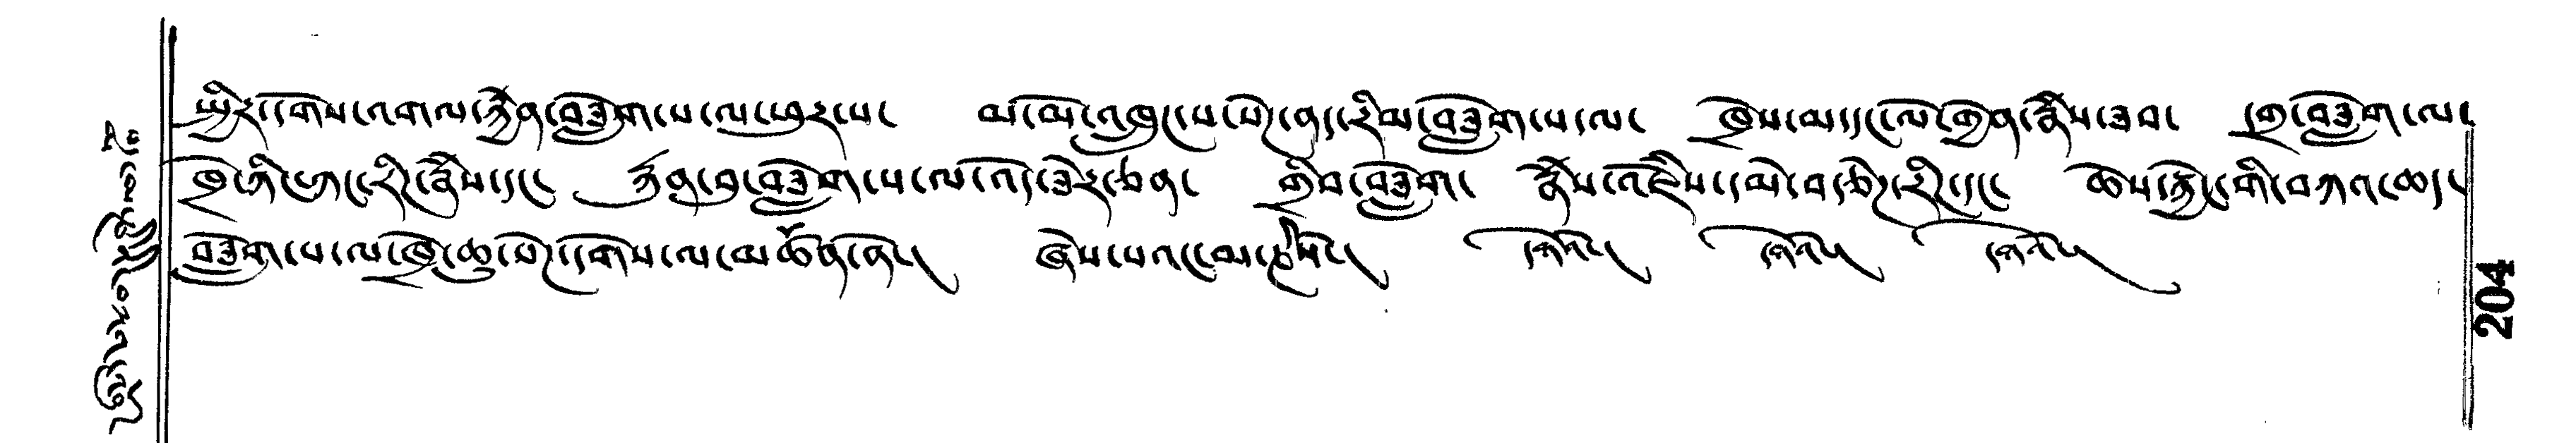སྤྱི་དགོས་འགལ་རྐྱེན་བཟློག་པ་ལ་ཕུར་པ། མ་མོ་འཁྲུགས་པ་སོགས་ནད་རིམ་བཟློག་པ་ལ་ཁྲོས་མ་དང་ལོ་གྱོན་རྣམས་ཟབ། དགྲ་བཟློག་ལ་
ཁྲོ་བོ་ཀིང་ཀང་རིགས་རྣམས་དང་། རྐུན་བུ་བཟློག་པ་ལ་འོད་ཟེར་ཅན། གྲིབ་བཟློག་ལ་རྣམས་འཇོམས་དམེ་བརྩེགས་རིགས་དང་། ཆོས་སྐྱོང་གི་བཀའ་ཆད་
བཟློག་པ་ལ་ཁྲོ་ཆུ་སོགས་དགོས་པས་མཚོན་སྐབས་ཤེས་པར་བྱའོ།། ཞེས་པའང་པདྨ་མ་ཎིས་སོ།། དགེའོ།།